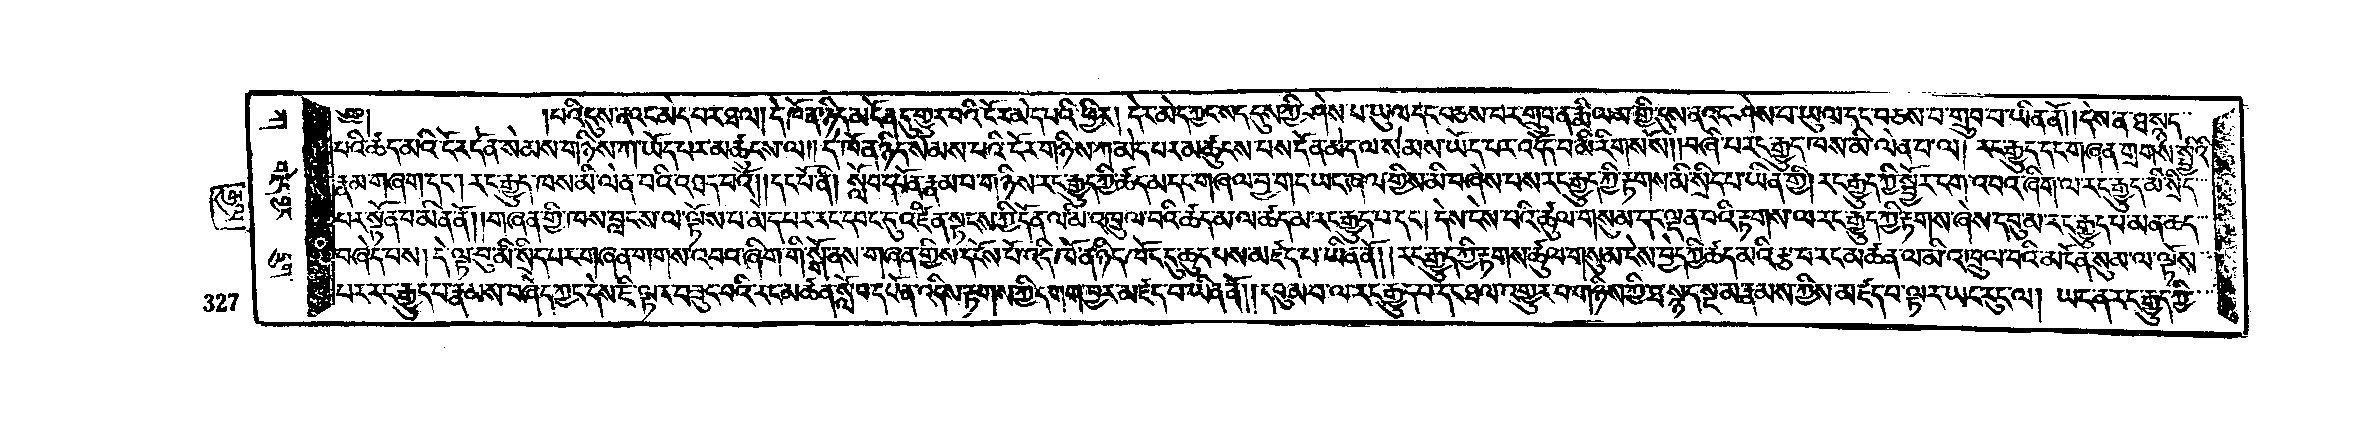༄༅། །པའི་དུས་ནའང་མེད་པར་ཐལ། དེ་ཁོ་ན་ཉིད་མངོན་དུ་གྱུར་པའི་ངོར་མེད་པའི་ཕྱིར། དེར་མེད་ཀྱང་སད་དུས་ཀྱི་ཤེས་པ་ཡུལ་དང་བཅས་པར་གྲུབ་ན་རྨི་ལམ་གྱི་དུས་ནའང་ཤེས་པ་ཡུལ་དང་བཅས་པ་གྲུབ་པ་ཡིན་ནོ། །དེས་ན་ཐ་སྙད་
པའི་ཚད་མའི་ངོར་དོན་སེམས་གཉིས་ཀ་ཡོད་པར་མཚུངས་ལ། དེ་ཁོ་ན་ཉིད་སེམས་པའི་ངོར་གཉིས་ཀ་མེད་པར་མཚུངས་པས་དོན་མེད་ལ་སེམས་ཡོད་པར་འདོད་པ་མི་རིགས་སོ། །བཞི་པ་རང་རྒྱུད་ཁས་མི་ལེན་པ་ལ། རང་རྒྱུད་དང་གཞན་གྲགས་སྤྱིའི་
རྣམ་གཞག་དང་། རང་རྒྱུད་ཁས་མི་ལེན་པའི་འཐད་པའོ། །དང་པོ་ནི། སློབ་དཔོན་རྣམ་པ་གཉིས་རང་རྒྱུད་ཀྱི་ཚད་མ་དང་གཞལ་བྱ་གང་ཡང་ཞལ་གྱིས་མི་བཞེས་པས་རང་རྒྱུད་ཀྱི་རྟགས་མི་སྲིད་པ་ཡིན་གྱི། རང་རྒྱུད་ཀྱི་སྦྱོར་དག་འབའ་ཞིག་ལ་རང་རྒྱུད་མི་སྲིད་
པར་སྟོན་པ་མིན་ནོ། །གཞན་གྱི་ཁས་བླངས་ལ་ལྟོས་པ་མེད་པར་རང་དབང་དུ་འཛིན་སྟངས་ཀྱི་དོན་ལ་མི་འཁྲུལ་བའི་ཚད་མ་ལ་ཚད་མ་རང་རྒྱུད་པ་དང་། དེས་ངེས་པའི་ཚུལ་གསུམ་དང་ལྡན་པའི་རྟགས་ལ་རང་རྒྱུད་ཀྱི་རྟགས་ཞེས་དབུ་མ་རང་རྒྱུད་པ་མན་ཆད་
བཞེད་པས། དེ་ལྟ་བུ་མི་སྲིད་པར་གཞན་གགས་འབའ་ཞིག་གི་སྒོ་ནས་གཞན་གྱིས་དངོས་པོ་འདི་ཁོ་ན་ཉིད་ཁོང་དུ་ཆུད་པས་མཛད་པ་ཡིན་ནོ། །རང་རྒྱུད་ཀྱི་རྟགས་ཚུལ་གསུམ་ངེས་བྱེད་ཀྱི་ཚད་མའི་རྩ་བ་རང་མཚན་ལ་མི་འཁྲུལ་བའི་མངོན་སུམ་ལ་ལྟོས་
པར་རང་རྒྱུད་པ་རྣམས་བཞེད་ཀྱང་དེས་ཇི་ལྟར་བཟུང་བའི་རང་མཚན་སློབ་དཔོན་འདིས་རྟགས་ཀྱི་དགག་བྱར་མཛད་པ་ཡིན་ནོ། །དབུ་མ་པ་ལ་རང་རྒྱུད་པ་དང་ཐལ་འགྱུར་བ་གཉིས་ཀྱི་ཐ་སྙད་སྔ་མ་རྣམས་ཀྱིས་མཛད་པ་ལྟར་ཡང་རུང་ལ། ཡང་ན་རང་རྒྱུད་ཀྱི་